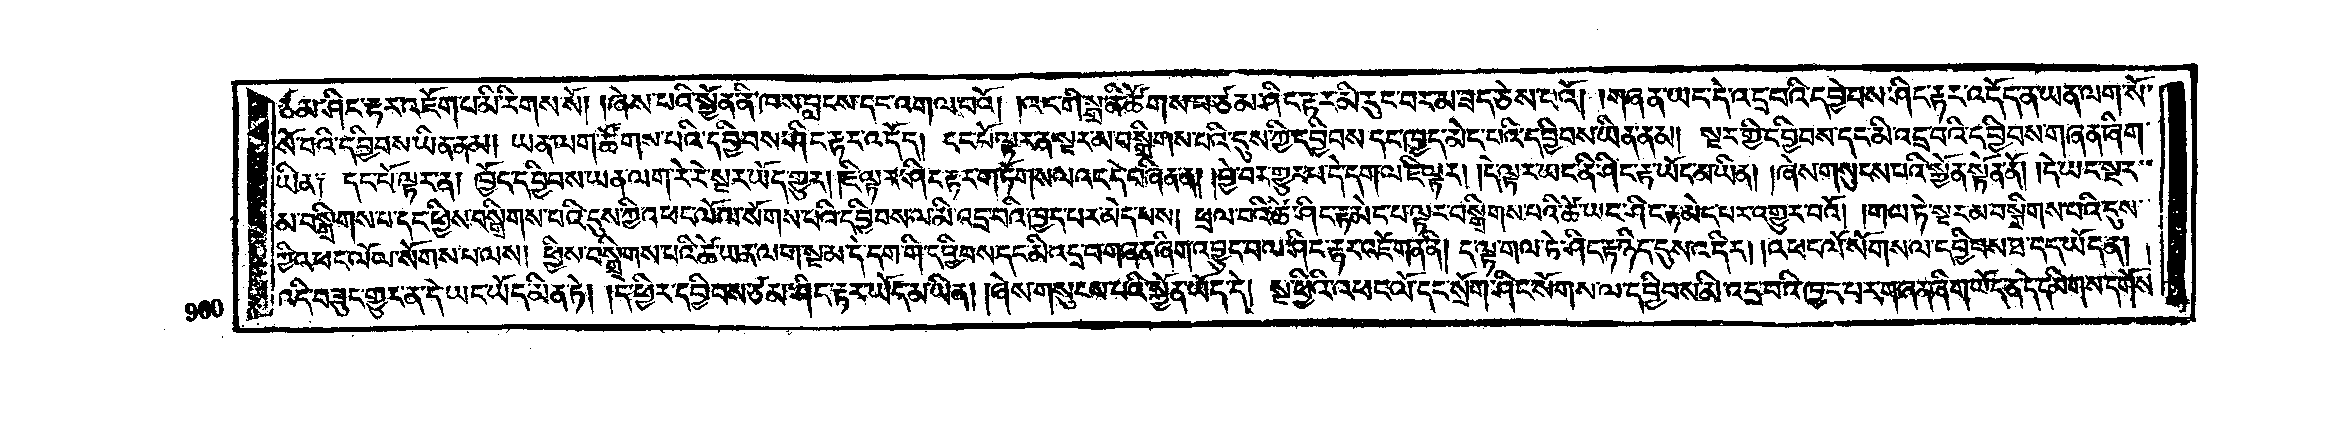ཙམ་ཤིང་རྟར་འཇོག་པ་མི་རིགས་སོ། །ཞེས་པའི་སྐྱོན་ནི་ཁས་བླངས་དང་འགལ་བའོ། །འང་གི་སྒྲ་ནི་ཚོགས་པ་ཙམ་ཤིང་རྟར་མི་རུང་བར་མ་ཟད་ཅེས་པའོ། །གཞན་ཡང་དེ་འདྲ་བའི་དབྱིབས་ཤིང་རྟར་འདོད་ན་ཡན་ལག་སོ་
སོ་བའི་དབྱིབས་ཡིན་ནམ། ཡན་ལག་ཚོགས་པའི་དབྱིབས་ཤིང་རྟར་འདོད། དང་པོ་ལྟར་ན་སྔར་མ་བསྒྲིགས་པའི་དུས་ཀྱི་དབྱིབས་དང་ཁྱད་མེད་པའི་དབྱིབས་ཡིན་ནམ། སྔར་གྱི་དབྱིབས་དང་མི་འདྲ་བའི་དབྱིབས་གཞན་ཞིག་
ཡིན༑ དང་པོ་ལྟར་ན། ཁྱོད་དབྱིབས་ཡན་ལག་རེ་རེ་སྔར་ཡོད་གྱུར། །ཇི་ལྟར་ཤིང་རྟར་གཏོགས་ལའང་དེ་བཞིན་ན། །བྱེ་བར་གྱུར་པ་དེ་དག་ལ་ཇི་ལྟར། །དེ་ལྟར་ཡང་ནི་ཤིང་རྟ་ཡོད་མ་ཡིན། །ཞེས་གསུངས་པའི་སྐྱོན་སྟོན་ནོ། །དེ་ཡང་སྔར་
མ་བསྒྲིགས་པ་དང་ཕྱིས་བསྒྲིགས་པའི་དུས་ཀྱི་འཕང་ལོ་ལ་སོགས་པའི་དབྱིབས་ལ་མི་འདྲ་བའི་ཁྱད་པར་མེད་པས། ཕྲལ་བའི་ཚེ་ཤིང་རྟ་མེད་པ་ལྟར་བསྒྲིགས་པའི་ཚེ་ཡང་ཤིང་རྟ་མེད་པར་འགྱུར་བའོ། །གལ་ཏེ་སྔར་མ་བསྒྲིགས་པའི་དུས་
ཀྱི་འཕང་ལོ་ལ་སོགས་པ་ལས། ཕྱིས་བསྒྲིགས་པའི་ཚེ་ཡན་ལག་སྔ་མ་དེ་དག་གི་དབྱིབས་དང་མི་འདྲ་བ་གཞན་ཞིག་འབྱུང་བ་ལ་ཤིང་རྟར་འཇོག་ན་ནི། ད་ལྟ་གལ་ཏེ་ཤིང་རྟ་ཉིད་དུས་འདིར། །འཕང་ལོ་སོགས་ལ་དབྱིབས་ཐ་དད་ཡོད་ན། །
འདི་བཟུང་གྱུར་ན་དེ་ཡང་ཡོད་མིན་ཏེ། །དེ་ཕྱིར་དབྱིབས་ཙམ་ཤིང་རྟར་ཡོད་མ་ཡིན། །ཞེས་གསུངས་པའི་སྐྱོན་ཡོད་དེ། སྔ་ཕྱིའི་འཕང་ལོ་དང་སྲོག་ཤིང་སོགས་ལ་དབྱིབས་མི་འདྲ་བའི་ཁྱད་པར་གཞན་ཞིག་ཡོད་ན་དེ་དམིགས་དགོས་